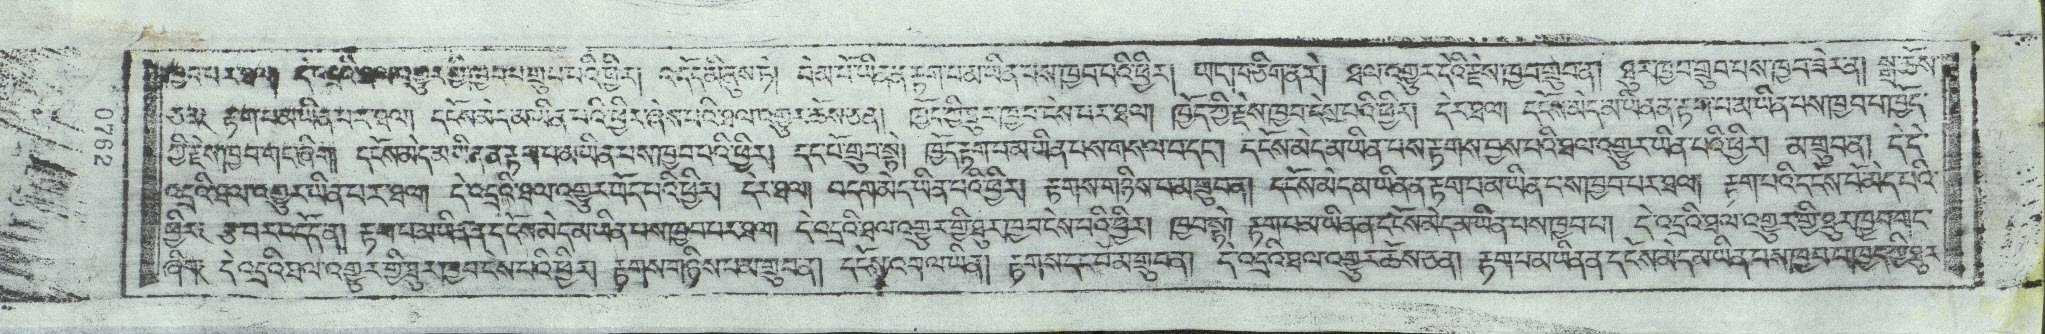ཁྱབ་པར་ཐལ། དེ་འདྲའི་ཐལ་འགྱུར་གྱི་ཁྱབ་པ་གྲུབ་པའི་ཕྱིར། འདོད་མི་ནུས་ཏེ། བེམ་པོ་ཡིན་ན་རྟག་པ་མ་ཡིན་པས་ཁྱབ་པའི་ཕྱིར། ཡང་ཁ་ཅིག་ན་རེ། ཐལ་འགྱུར་དེའི་རྗེས་ཁྱབ་གྲུབ་ན། ཐུར་ཁྱབ་གྲུབ་པས་ཁྱབ་ཟེར་ན། སྒྲ་ཆོས་
ཅན༑ རྟག་པ་མ་ཡིན་པར་ཐལ། དངོས་མེད་མ་ཡིན་པའི་ཕྱིར་ཞེས་པའི་ཐལ་འགྱུར་ཆོས་ཅན། ཁྱོད་ཀྱི་ཐུར་ཁྱབ་ངེས་པར་ཐལ། ཁྱོད་ཀྱི་རྗེས་ཁྱབ་ངེས་པའི་ཕྱིར། དེར་ཐལ། དངོས་མེད་མ་ཡིན་ན་རྟག་པ་མ་ཡིན་པས་ཁྱབ་པ་ཁྱོད་
ཀྱི་རྗེས་ཁྱབ་གང་ཞིག། དངོས་མེད་མ་ཡིན་ན་རྟག་པ་མ་ཡིན་པས་ཁྱབ་པའི་ཕྱིར། དང་པོ་གྲུབ་སྟེ། ཁྱོད་རྟག་པ་མ་ཡིན་པས་གསལ་བ་དང་། དངོས་མེད་མ་ཡིན་པས་རྟགས་བྱས་པའི་ཐལ་འགྱུར་ཡིན་པའི་ཕྱིར། མ་གྲུབ་ན། དེ་དེ་
འདྲའི་ཐལ་འགྱུར་ཡིན་པར་ཐལ། དེ་འདྲའི་ཐལ་འགྱུར་ཡོད་པའི་ཕྱིར། དེར་ཐལ། བདག་མེད་ཡིན་པའི་ཕྱིར། རྟགས་གཉིས་པ་མ་གྲུབ་ན། དངོས་མེད་མ་ཡིན་ན་རྟག་པ་མ་ཡིན་པས་ཁྱབ་པར་ཐལ། རྟག་པའི་དངོས་པོ་མེད་པའི་
ཕྱིར༑ རྩ་བར་འདོད་ན། རྟག་པ་མ་ཡིན་ན་དངོས་མེད་མ་ཡིན་པས་ཁྱབ་པར་ཐལ། དེ་འདྲའི་ཐལ་འགྱུར་གྱི་ཐུར་ཁྱབ་ངེས་པའི་ཕྱིར། ཁྱབ་སྟེ། རྟག་པ་མ་ཡིན་ན་དངོས་མེད་མ་ཡིན་པས་ཁྱབ་པ། དེ་འདྲའི་ཐལ་འགྱུར་གྱི་ཐུར་ཁྱབ་གང་
ཞིག༑ དེ་འདྲའི་ཐལ་འགྱུར་གྱི་ཐུར་ཁྱབ་ངེས་པའི་ཕྱིར། རྟགས་གཉིས་པ་མ་གྲུབ་ན། དངོས་འགལ་ཡིན། རྟགས་དང་པོ་མ་གྲུབ་ན། དེ་འདྲའི་ཐལ་འགྱུར་ཆོས་ཅན། རྟག་པ་མ་ཡིན་ན་དངོས་མེད་མ་ཡིན་པས་ཁྱབ་པ་ཁྱོད་ཀྱི་ཐུར་